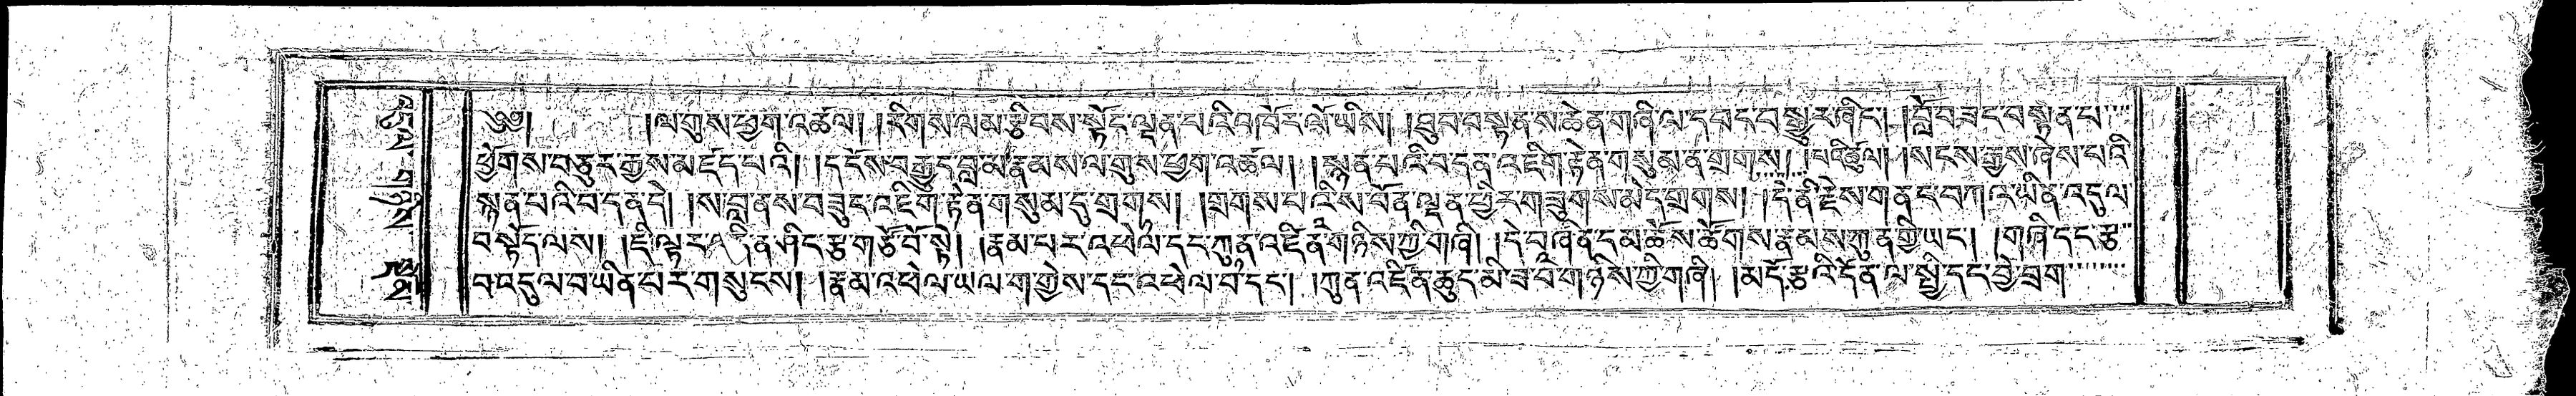༄༅། །ལ་གུས་ཕྱག་འཚལ། །རིགས་ལམ་རྩིབས་སྟོང་ལྡན་པའི་འཁོར་ལོ་ཡིས། །ཐུབ་བསྟན་ས་ཆེན་གཞི་ལ་དབང་བསྒྱུར་ཞིང་། །བློ་བཟང་བསྟན་པ་
ཕྱོགས་བཅུར་རྒྱས་མཛད་པའི། །དངོས་བརྒྱུད་བླ་མ་རྣམས་ལ་གུས་ཕྱག་འཚལ། །སྙན་པའི་བ་དན་འཇིག་རྟེན་གསུམ་ན་གྲགས། ། པའི་ཚུལ། །སངས་རྒྱས་ཞེས་པའི་
སྙན་པའི་བ་དན་དེ། །ས་བླ་ནས་བཟུང་འཇིག་རྟེན་གསུམ་དུ་གྲགས། །གྲགས་པའི་ས་བོན་ལྡན་ཕྱིར་གཟུགས་མེད་གྲགས། །དེ་ནི་རྗེས་གནང་བཀའ་ཡིན་འདུལ་
བསྟོད་ལས། །ཇི་ལྟར་འདི་ན་ཤིང་རྩ་གཙོ་བོ་སྟེ། །རྣམ་པར་འཕེལ ༡་དང་ཀུན་འཛིན ༢་གཉིས་ཀྱི་གཞི། །དེ་བཞིན་དམ་ཆོས་ཚོགས་རྣམས་ཀུན་གྱི་ཡང་། །གཞི་དང་རྩ་
བ་འདུལ་བ་ཡིན་པར་གསུངས། །རྣམ་འཕེལ་ཡལ་ག་གྱེས་དང་འཕེལ་བ ༡་དང་། །ཀུན་འཛིན་ཆུད་མི་ཟ་བ ༢་གཉིས་ཀྱི་གཞི། །མདོ་རྩའི་དོན་ལ་སྤྱི་དང་བྱེ་བྲག་